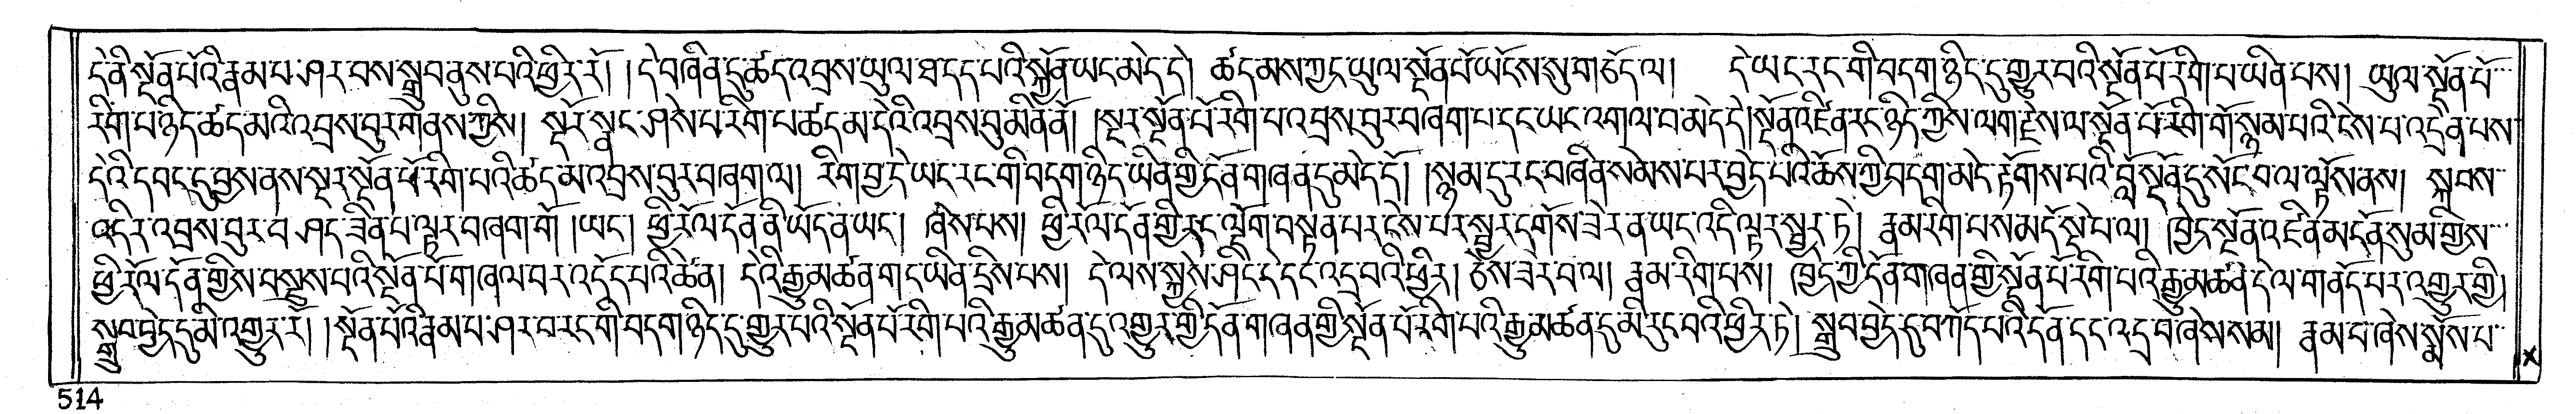དེ་ནི་སྔོན་པོའི་རྣམ་པ་ཤར་བས་སྒྲུབ་ནུས་པའི་ཕྱིར་རོ། །དེ་བཞིན་དུ་ཚད་འབྲས་ཡུལ་ཐ་དད་པའི་སྐྱོན་ཡང་མེད་དེ། ཚད་མས་ཀྱང་ཡུལ་སྔོན་པོ་ཡོངས་སུ་གཅོད་ལ། དེ་ཡང་རང་གི་བདག་ཉིད་དུ་གྱུར་པའི་སྔོན་པོ་རིག་པ་ཡིན་པས། ཡུལ་སྔོན་པོ་
རིག་པ་ཉིད་ཚད་མའི་འབྲས་བུར་གནས་ཀྱིས། སྔོར་སྣང་ཤེས་པ་རིག་པ་ཚད་མ་དེའི་འབྲས་བུ་མིན་ནོ། །སྔར་སྔོན་པོ་རིག་པ་འབྲས་བུར་བཞག་པ་དང་ཡང་འགལ་བ་མེད་དེ། སྔོན་འཛིན་རང་ཉིད་ཀྱིས་ལག་རྗེས་ལ་སྔོན་པོ་རིག་གོ་སྙམ་པའི་ངེས་པ་འདྲེན་པས་
དེའི་དབང་དུ་བྱས་ནས་སྔར་སྔོན་པོ་རིག་པའི་ཚད་མ་འབྲས་བུར་བཞག་ལ། རིག་བྱ་དེ་ཡང་རང་གི་བདག་ཉིད་ཡིན་གྱི་དོན་གཞན་དུ་མེད་དོ། །སྙམ་དུ་རང་བཞིན་སེམས་པར་བྱེད་པའི་ཆོས་ཀྱི་བདག་མེད་རྟོགས་པའི་བློ་སྔོན་དུ་སོང་བ་ལ་ལྟོས་ནས། སྐབས་
འདིར་འབྲས་བུར་བཤད་ཟིན་པ་ལྟར་བཞག་གོ །ཡང་། ཕྱི་རོལ་དོན་ནི་ཡོད་ན་ཡང་། ཞེས་པས། ཕྱི་རོལ་དོན་གྱི་རང་ལྡོག་བསྟན་པར་ངེས་པར་སྦྱར་དགོས་ཟེར་ན་ཡང་འདི་ལྟར་སྦྱར་ཏེ། རྣམ་རིག་པས་མདོ་སྡེ་བ་ལ། ཁྱེད་སྔོན་འཛིན་མངོན་སུམ་གྱིས་
ཕྱི་རོལ་དོན་གྱིས་བསྡུས་པའི་སྔོན་པོ་གཞལ་བར་འདོད་པའི་ཚེ་ན། དེའི་རྒྱུ་མཚན་གང་ཡིན་དྲིས་པས། དེ་ལས་སྐྱེས་ཤིང་དེ་དང་འདྲ་བའི་ཕྱིར། ཅེས་ཟེར་བ་ལ། རྣམ་རིག་པས། ཁྱེད་ཀྱི་དོན་གཞན་གྱི་སྔོན་པོ་རིག་པའི་རྒྱུ་མཚན་དེ་ལ་གནོད་པར་འགྱུར་གྱི།
སྒྲུབ་བྱེད་དུ་མི་འགྱུར་རོ། །སྔོན་པོའི་རྣམ་པ་ཤར་བ་རང་གི་བདག་ཉིད་དུ་གྱུར་པའི་སྔོན་པོ་རིག་པའི་རྒྱུ་མཚན་དུ་འགྱུར་གྱི་དོན་གཞན་གྱི་སྔོན་པོ་རིག་པའི་རྒྱུ་མཚན་དུ་མི་རུང་བའི་ཕྱིར་ཏེ། སྒྲུབ་བྱེད་དུ་བཀོད་པའི་དོན་དང་འདྲ་བ་ཞེས་སམ། རྣམ་པ་ཞེས་སྨོས་པ་